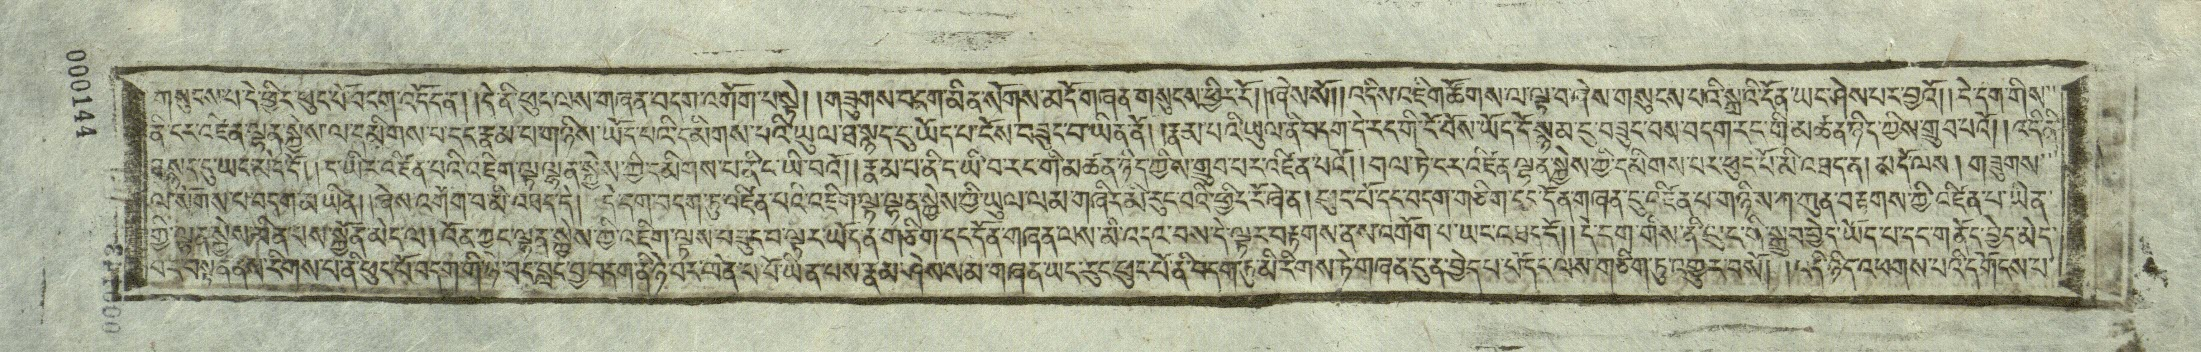གསུངས་པ་དེ་ཕྱིར་ཕུང་པོ་བདག་འདོད་ན། །དེ་ནི་ཕུང་ལས་གཞན་བདག་འགོག་པ་སྟེ། །གཟུགས་བདག་མིན་སོགས་མདོ་གཞན་གསུངས་ཕྱིར་རོ། །ཞེས་སོ། །འདིས་འཇིག་ཚོགས་ལ་ལྟ་བ་ཞེས་གསུངས་པའི་སྒྲའི་དོན་ཡང་ཤེས་པར་བྱའོ། །དེ་དག་གིས་
ནི་ངར་འཛིན་ལྷན་སྐྱེས་ལ་དམིགས་པ་དང་རྣམ་པ་གཉིས་ཡོད་པའི་དམིགས་པའི་ཡུལ་ཐ་སྙད་དུ་ཡོད་པ་ངོས་བཟུང་བ་ཡིན་ནོ། །རྣམ་པའི་ཡུལ་ནི་བདག་དེ་རང་གི་ངོ་བོས་ཡོད་དོ་སྙམ་དུ་བཟུང་བས་བདག་རང་གི་མཚན་ཉིད་ཀྱིས་གྲུབ་པའོ། །འདི་ནི་
ཐ་སྙད་དུ་ཡང་མེད་དོ། །ང་ཡིར་འཛིན་པའི་འཇིག་ལྟ་ལྷན་སྐྱེས་ཀྱི་དམིགས་པ་ནི་ང་ཡི་བའོ། །རྣམ་པ་ནི་ང་ཡི་བ་རང་གི་མཚན་ཉིད་ཀྱིས་གྲུབ་པར་འཛིན་པའོ། །གལ་ཏེ་ངར་འཛིན་ལྷན་སྐྱེས་ཀྱི་དམིགས་པར་ཕུང་པོ་མི་འཐད་ན། མདོ་ལས། གཟུགས་
ལ་སོགས་པ་བདག་མ་ཡིན། །ཞེས་འགོག་པ་མི་འཐད་དེ། དེ་དག་བདག་ཏུ་འཛིན་པའི་འཇིག་ལྟ་ལྷན་སྐྱེས་ཀྱི་ཡུལ་ལམ་གཞིར་མི་རུང་བའི་ཕྱིར་རོ་ཞེ་ན། ཕུང་པོ་དང་བདག་གཅིག་དང་དོན་གཞན་དུ་འཛིན་པ་གཉིས་ཀ་ཀུན་བརྟགས་ཀྱི་འཛིན་པ་ཡིན་
གྱི་ལྷན་སྐྱེས་མིན་པས་སྐྱོན་མེད་ལ། འོན་ཀྱང་ལྷན་སྐྱེས་ཀྱི་འཇིག་ལྟས་བཟུང་བ་ལྟར་ཡོད་ན་གཅིག་དང་དོན་གཞན་ལས་མི་འདའ་བས་དེ་ལྟར་བརྟགས་ནས་འགོག་པ་ཡང་འཐད་དོ། །དེ་དག་གིས་ནི་ལུང་གི་སྒྲུབ་བྱེད་ཡོད་པ་དང་གནོད་བྱེད་མེད་
པར་བསྟན་ནས་རིགས་པ་ནི་ཕུང་པོ་བདག་གི་ཉེ་བར་བླང་བྱ་བདག་ནི་ཉེ་བར་ལེན་པ་པ་ཡིན་པས་རྣམ་ཤེས་སམ་གཞན་ཡང་རུང་ཕུང་པོ་ནི་བདག་ཏུ་མི་རིགས་ཏེ་གཞན་དུ་ན་བྱེད་པ་པོ་དང་ལས་གཅིག་ཏུ་འགྱུར་བསོ། །འདི་ཉིད་འཕགས་པའི་དགོངས་པ་